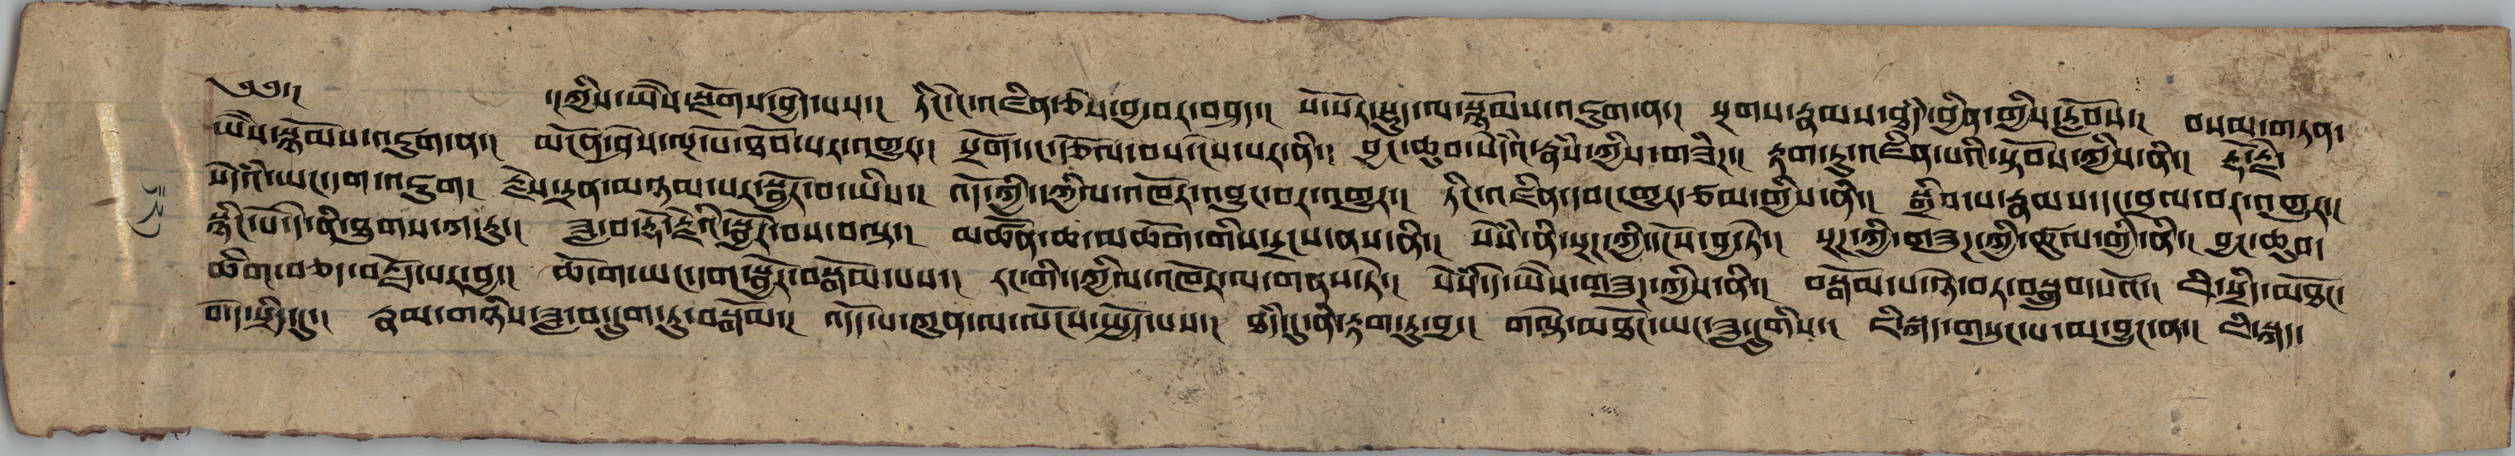༄༅་། ་།ཀྱིས་ཡཻས་སྫོགས་བྱེད་པས་། ཏིང་ངེ་འཛིན་ཅེས་བྱ་བར་བཤད་། སོ་སོར་སྡུད་ལ་སྙོམས་འཇུག་ན་། སྔགས་རྣམས་ཐཾད་བྱིན་གྱིས་རློབས་། བསམ་གཏན་
ཡཻས་སྙོམས་འཇུག་ན་། མངོན་ཤེས་ལྔ་པོ་ཐོབ་པར་འགྱུར་། སྲོག་དང་རྩོལ་བས་ངེས་པར་ནི་། བྱང་ཆུབ་སེདཾའ་རྣཾས་ཀྱིས་གཟིཌ་། རྟག་ཏུ་འཛིན་པའི་སྟོབས་ཀྱིས་ནི་། རྡོ་རྗེ་
སེདཾའ་ཡང་དག་འཇུག། རྗེས་དྲན་མཉམ་པར་སྦྱོར་བ་ཡིས་། འོད་ཀྱི་དཀྱིལ་འཁོར་འབྱུང་བར་འགྱུར་། ཏིང་འཛིན་དབང་གྱུར་ཙམ་གྱིས་ནི་། སྒྲིབ་པ་རྣམས་དང་བྲལ་བར་འགྱུར་།
སྙིང་པཽ་དེ་ནི་ཐུགས་ཀ་རུ་། ཟླ་བ་རྡོ་རྗེའི་སྦྱོར་བས་བལྟ་། མཚོན་ཆ་མཆོག་གིས་དྲངས་ནས་ནི་། སེཾས་ནི་སྔཌ་ཀྱི་དངོས་བྱ་ཏེ་། སྔཌ་ཀྱི་གཟུཌ་ཀྱི་ཚུལ་གྱི་ནི་། བྱང་ཆུབ་
ཚིག་བཅད་བརྗོད་པར་བྱ་། ཆོ་ག་ཡང་དག་སྦྱོར་བསྒོམ་པས་། རང་གི་དཀྱིལ་འཁོར་ལ་གནས་ཏེ་། སེཾས་དེ་ཡཻས་གཟུཌ་ཀྱིས་ནི་། བསྒོམ་པ་ཉེ་བར་བསྒྲུབ་པའོ་། ཇི་སྲིད་མཐོང་
བ་དེ་སྲིད་དུ་། རྣམ་གཉིས་ཟླ་བ་དྲུག་ཏུ་བསྒོམ་། འདོད་པ་ཀུན་ལ་ལོངས་སྤྱོད་པས་། ཐཾད་དུ་ནི་རྟག་ཏུ་བྱ་། གལྟེ་མཐོང་ཡང་ཟླ་དྲུགིས་། ཇི་སྐད་གསུང་པ་མ་བྱུང་ན་། ཇི་སྐད་